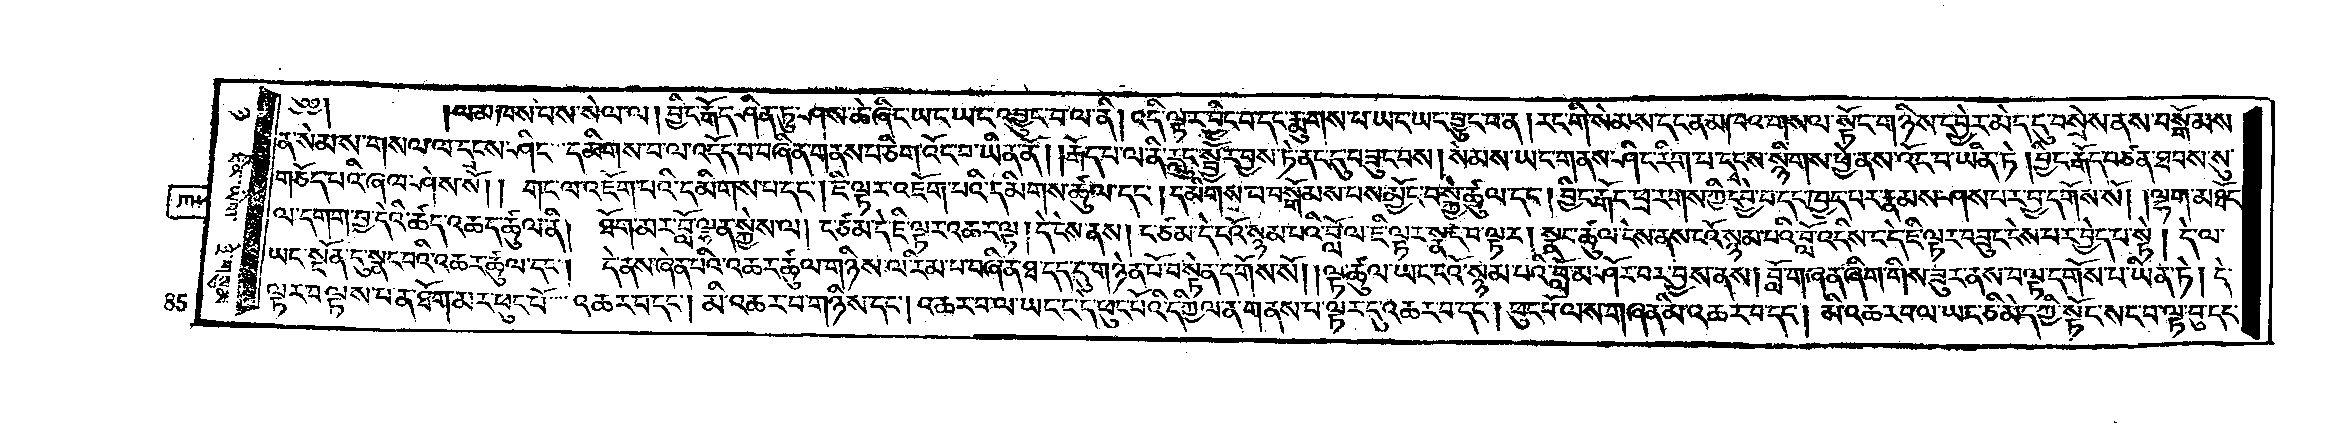༄༅། །ལ་མཁས་པས་སེལ་ལ། བྱིང་རྒོད་ཤིན་ཏུ་ཤས་ཆེ་ཞིང་ཡང་ཡང་འབྱུང་བ་ལ་ནི། འདི་ལྟར་བྱིང་བ་དང་རྨུགས་པ་ཡང་ཡང་བྱུང་བ་ན། རང་གི་སེམས་དང་ནམ་མཁའ་གསལ་སྟོང་གཉིས་དབྱེར་མེད་དུ་བསྲེས་ནས་བསྒོམས་
ན་སེམས་གསལ་ལ་དྭངས་ཤིང་དམིགས་པ་ལ་འདོད་པ་བཞིན་གནས་པ་ཅིག་འོང་བ་ཡིན་ནོ། །རྒོད་པ་ལ་ནི་རླུང་སྦྱོར་བྱས་ཏེ་ནང་དུ་བཟུང་བས། སེམས་ཡང་གནས་ཤིང་རིག་པ་དྭངས་སྙིགས་ཕྱེ་ནས་འོང་བ་ཡིན་ཏེ། བྱིང་རྒོད་བཙན་ཐབས་སུ་
གཅོད་པའི་ཞལ་ཤེས་སོ། །གང་ལ་འཇོག་པའི་དམིགས་པ་དང་། ཇི་ལྟར་འཇོག་པའི་དམིགས་ཚུལ་དང་། དམིགས་པ་བསྒོམས་པས་མྱོང་བ་སྐྱེ་ཚུལ་དང་། བྱིང་རྒོད་ཕྲ་རགས་ཀྱི་དབྱེ་བ་དང་ཁྱད་པར་རྣམས་ཤས་པར་བྱ་དགོས་སོ། །ལྷག་མཐོང་
ལ་དགག་བྱ་དེའི་ཚད་འཆད་ཚུལ་ནི། ཐོག་མར་བློ་ལྷན་སྐྱེས་ལ། ང་ཙམ་དེ་ཇི་ལྟར་འཆར་ལྟ། དེ་ངེས་ནས། ང་ཙམ་དེ་ངའོ་སྙམ་པའི་བློ་ལ་ཇི་ལྟར་སྣང་བ་ལྟར། སྣང་ཚུལ་ངེས་ནས་ངའོ་སྙམ་པའི་བློ་འདིས་ང་དེ་ཇི་ལྟར་བཟུང་ངེས་པར་བྱེད་པ་སྟེ། དེ་ལ་
ཡང་སྔོན་དུ་སྣང་བའི་འཆར་ཚུལ་དང་། དེ་ནས་ཞེན་པའི་འཆར་ཚུལ་གཉིས་ལ་རིམ་པ་བཞིན་ཐ་དད་དུ་གཉེན་པོ་བསྟེན་དགོས་སོ། །ལྟ་ཚུལ་ཡང་ངའོ་སྙམ་པའི་བློ་མ་ཤོར་བར་བྱས་ནས། བློ་གཞན་ཞིག་གིས་ཟུར་ནས་བལྟ་དགོས་པ་ཡིན་ཏེ། དེ་
ལྟར་བལྟས་པ་ན་ཐོག་མར་ཕུང་པོ་འཆར་བ་དང་། མི་འཆར་བ་གཉིས་དང་། འཆར་བ་ལ་ཡང་ང་དེ་ཕུང་པོའི་དཀྱིལ་ན་གནས་པ་ལྟར་དུ་འཆར་བ་དང་། ཕུང་པོ་ལས་གཞན་མི་འཆར་བ་དང་། མི་འཆར་བ་ལ་ཡང་ཅི་མེད་ཀྱི་སྟོང་སང་བ་ལྟ་བུ་དང་།